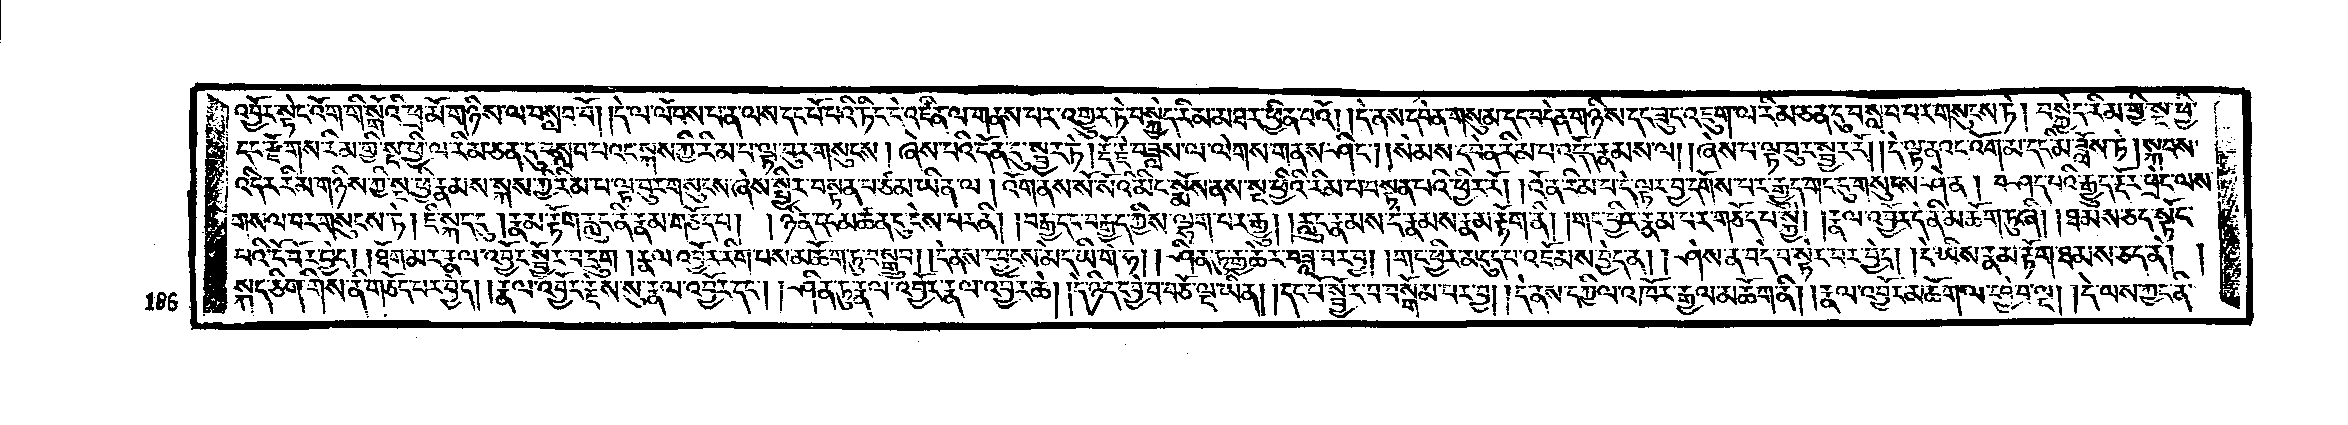འབྱོར་སྟེང་འོག་གི་སྒོའི་ཕྲ་མོ་གཉིས་ལ་བསླབ་བོ། །དེ་ལ་ལོབས་པ་ན་ལས་དང་པོ་པའི་ཏིང་ངེ་འཛིན་ལ་གནས་པར་འགྱུར་ཏེ་བསྐྱེད་རིམ་མཐར་ཕྱིན་པའོ། །དེ་ནས་དབེན་གསུམ་དང་བདེན་གཉིས་དང་ཟུང་འཇུག་ལ་རིམ་ཅན་དུ་བསླབ་པར་གསུངས་ཏེ། བསྐྱེད་རིམ་གྱི་སྔ་ཕྱི་
དང་རྫོགས་རིམ་གྱི་སྔ་ཕྱི་ལ་རིམ་ཅན་དུ་བསླབ་པའང་སྐས་ཀྱི་རིམ་པ་ལྟ་བུར་གསུངས། ཞས་པའི་དོན་དུ་སྦྱར་ཏེ། རྡོ་རྗེ་བཟླས་ལ་ལེགས་གནས་ཤིང་། །སེམས་དབེན་རིམ་པ་འདོད་རྣམས་ལ། །ཞེས་པ་ལྟ་བུར་སྦྱར་རོ། །དེ་ལྟ་ནའང་འོག་མ་དང་མི་ཟློས་ཏེ། སྐབས་
འདིར་རིམ་གཉིས་ཀྱི་སྔ་ཕྱི་རྣམས་སྐས་ཀྱི་རིམ་པ་ལྟ་བུར་གསུངས་ཞེས་སྤྱིར་བསྟན་པ་ཙམ་ཡིན་ལ། འོག་ནས་སོ་སོའི་མིང་སྨོས་ནས་སྔ་ཕྱིའི་རིམ་པ་བསྟན་པའི་ཕྱིར་རོ། །འོ་ན་རིམ་པ་དེ་ལྟར་བྱ་དགོས་པར་རྒྱུད་གང་དུ་གསུངས་ཤེ་ན། བཤད་པའི་རྒྱུད་རྡོར་ཕྲེང་ལས་
གསལ་བར་གསུངས་ཏེ། ཇི་སྐད་དུ། རྣམ་རྟོག་རླུང་ནི་རྣམ་གཅོད་པ། །ཉིན་དང་མཚན་དུ་ངེས་པར་ནི། །བརྒྱ་དང་བརྒྱད་ཀྱིས་ལྷག་པར་རྒྱུ། །རླུང་རྣམས་དེ་རྣམས་རྣམ་རྟོག་ནི། །གང་ཕྱིར་རྣམ་པར་གཅོད་པ་སྐྱེ། །རྣལ་འབྱོར་དེ་ནི་མཆོག་ཏུ་ཞི། །ཐམས་ཅད་སྟོང་
པའི་ངོ་བོར་བྱེད། །ཐོག་མར་རྣལ་འབྱོར་སྦྱོར་བ་དྲུག །རྣལ་འབྱོར་རིག་པས་མཆོག་ཏུ་བསྒྲུབ། །དེ་ནས་དབྱངས་མེད་ཡི་གེ་ཧ། །ཤིན་ཏུ་རྒྱ་ཆེར་བཟླ་བར་བྱ། །གང་ཕྱིར་མདུད་པ་འཇོམས་བྱེད་ན། །ཤེས་ན་བདེ་བ་སྟེར་བར་བྱེད། །དེ་ཡིས་རྣམ་རྟོག་ཐམས་ཅད་ནི། །
སྐད་ཅིག་གིས་ནི་གཅོད་པར་བྱེད། །རྣལ་འབྱོར་རྗེས་སུ་རྣལ་འབྱོར་དང་། །ཤིན་ཏུ་རྣལ་འབྱོར་རྣལ་འབྱོར་ཆེ། །དེ་ཉིད་དབྱེ་བ་བཅོ་ལྔ་ཡིན། །དང་པོ་སྦྱོར་བ་བསྒོམ་པར་བྱ། །དེ་ནས་དཀྱིལ་འཁོར་རྒྱལ་མཆོག་ནི། །རྣལ་འབྱོར་མཆོག་ལ་དབྱེ་བ་ལྔ། །དེ་ལས་ཀྱང་ནི་